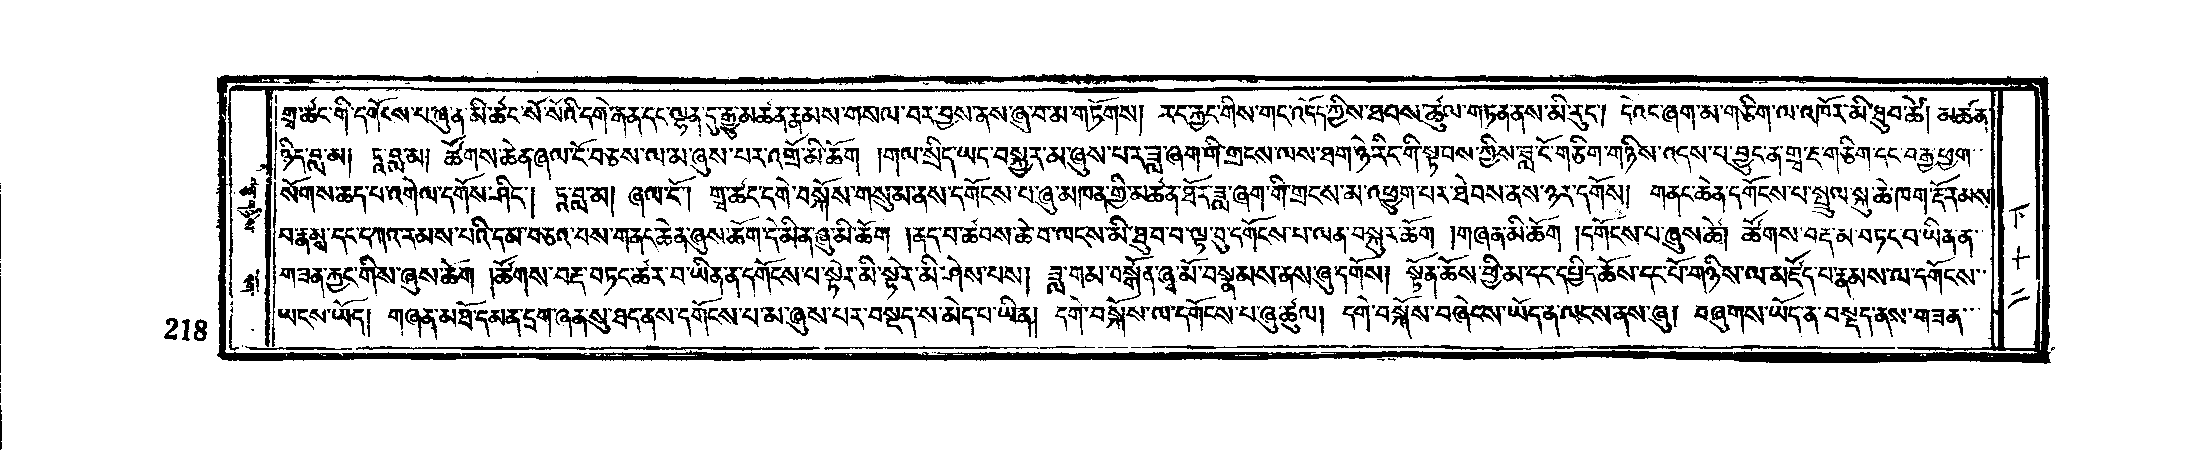གྲྭ་ཚང་གི་དགོངས་པ་ཞུ་ན་མི་ཚང་སོ་སོའི་དགེ་རྒན་དང་ལྷན་དུ་རྒྱུ་མཚན་རྣམས་གསལ་བར་བྱས་ནས་ཞུ་བ་མ་གཏོགས། རང་རྐྱང་གིས་གང་འདོད་ཀྱིས་ཐབས་ཚུལ་གཏན་ནས་མི་རུང་། དེའང་ཞག་མ་གཅིག་ལ་འཁོར་མི་ཐུབ་ཚེ། མཚན་
ཉིད་བླ་མ། ཏཱ་བླ་མ། ཚོགས་ཆེན་ཞལ་ངོ་བཅས་ལ་མ་ཞུས་པར་འགྲོ་མི་ཆོག །གལ་སྲིད་ཡང་བསྐྱར་མ་ཞུས་པར་ཟླ་ཞག་གི་གྲངས་ལས་ཐག་ཉེ་རིང་གི་སྟབས་ཀྱིས་ཟླ་ངོ་གཅིག་གཉིས་འདས་པ་བྱུང་ན་གྲྭ་ཇ་གཅིག་དང་བརྒྱ་ཕྱག་
སོགས་ཆད་པ་འགེལ་དགོས་ཤིང་། ཏཱ་བླ་མ། ཞལ་ངོ། གྲྭ་ཚང་དགེ་བསྐོས་གསུམ་ནས་དགོངས་པ་ཞུ་མཁན་གྱི་མཚན་ཐོར་ཟླ་ཞག་གི་གྲངས་མ་འཕྱུག་པར་ཐེབས་ནས་ཉར་དགོས། གནང་ཆེན་དགོངས་པ་སྤྲུལ་སྐུ་ཆེ་ཁག་རྡོ་རམས་
པ་རྣམས་དང་དཀའ་རམས་པའི་དམ་བཅའ་པས་གནང་ཆེན་ཞུས་ཆོག་དེ་མིན་ཞུ་མི་ཆོག །ནད་པ་ཚབས་ཆེ་བ་ལངས་མི་ཐུབ་པ་ལྟ་བུ་དགོངས་པ་ལན་བསྐུར་ཆོག །གཞན་མི་ཆོག །དགོངས་པ་ཞུས་ཚེ། ཚོགས་བརྡ་མ་བཏང་བ་ཡིན་ན་
གཟན་རྐྱང་གིས་ཞུས་ཆོག །ཚོགས་བརྡ་བཏང་ཚར་བ་ཡིན་ན་དགོངས་པ་སྟེར་མི་སྟེར་མི་ཤེས་པས། ཟླ་གམ་བསྒོན་ཞྭ་མོ་བསྣམས་ནས་ཞུ་དགོས། སྟོན་ཆོས་ཕྱི་མ་དང་དཔྱིད་ཆོས་དང་པོ་གཉིས་ལ་མཛོད་པ་རྣམས་ལ་དགོངས་
ཡངས་ཡོད། གཞན་མཐོ་དམན་དྲག་ཞན་སུ་ཐད་ནས་དགོངས་པ་མ་ཞུས་པར་བསྔད་ས་མེད་པ་ཡིན། དགེ་བསྐོས་ལ་དགོངས་པ་ཞུ་ཚུལ། དགེ་བསྐོས་བཞེངས་ཡོད་ན་ལངས་ནས་ཞུ། བཞུགས་ཡོད་ན་བསྡད་ནས་གཟན་